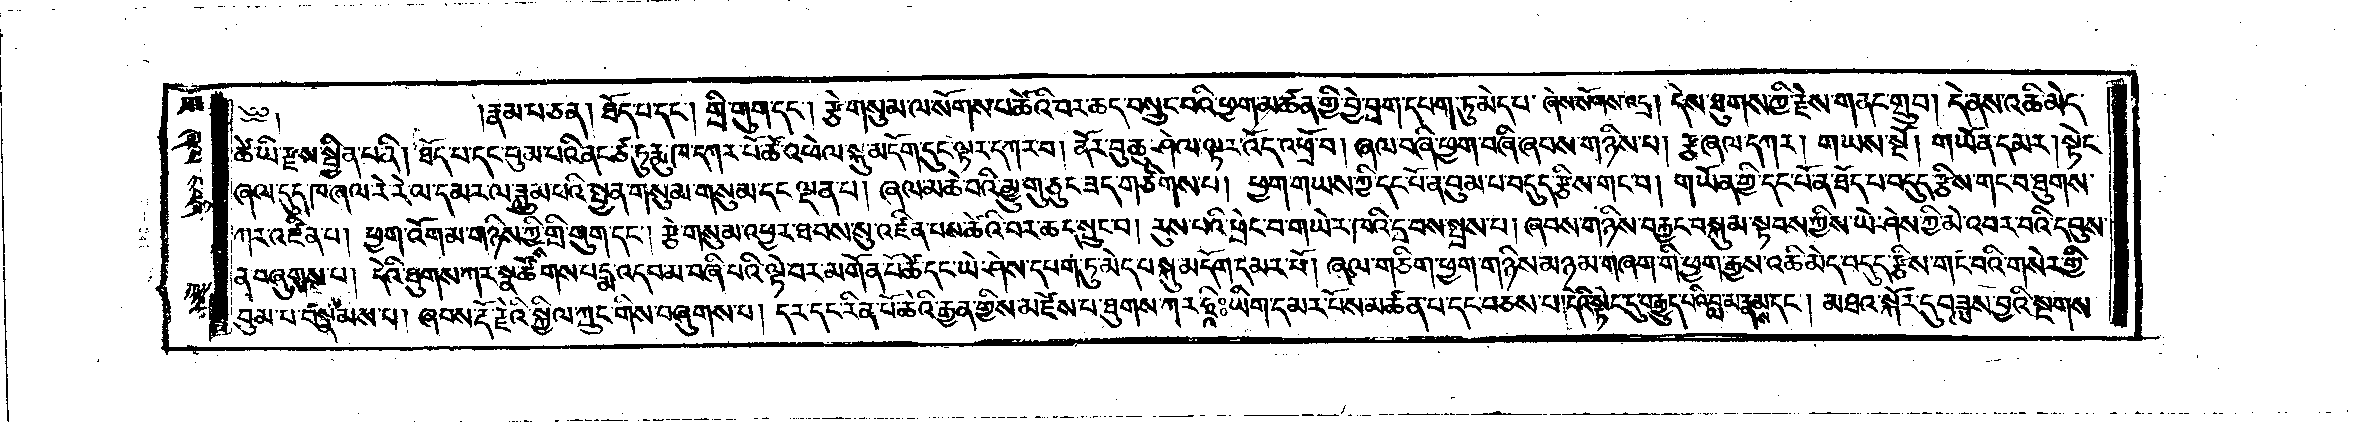༄༅། །རྣམ་པ་ཅན། ཐོད་པ་དང་། གྲི་འགུག་དང་། རྩེ་གསུམ་ལ་སོགས་པ་ཚེའི་བར་ཆད་བསྲུང་བའི་ཕྱག་མཚལ་གྱི་བྱེ་བྲག་དཔག་ཏུ་མེད་པ་ཞེས་སོགས་འདྲ། དེ་ཐུགས་ཡི་རྗེས་གནང་གྲུབ། དེ་ནས་འཆི་མེད་
ཏེ་ཡི་རྫས་སྦྱིན་པ་ནི། ཐོད་པ་དང་བུམ་པའི་ནང་ཙ་ཏུ་རྨུ་ཁ་དཀར་པོ་ཆེ་འཕེལ་སྐུ་མདོག་དུང་ཏྲ་དཀར་བ། ནོར་བུ་ཆུ་ཤེལ་ལྟར་དོ་འཕྲོ་བ། ཞལ་བཞི་ཕྱག་བཞི་ཞབས་གཉིས་པ། རྩ་ཞལ་དཀར། གཡས་སྔོ། གཡོན་དམར། སྟེང་
ཞལ་དུད་ཁ་ཞལ་རེ་རེ་ལ་དམར་ལ་ཟླུམ་པའི་སྤྱན་གསུམ་གསུམ་དང་ལྡན་པ། ཞལ་མཆེ་བའི་མྱུ་གུ་ཅུང་ཟད་གཅིག་པ། ཕྱག་གཡས་ཀྱི་དང་པོ་ན་བུམ་པ་བདུད་རྩིད་གང་བ་གཡོན་གྱི་དང་པོ་ན་ཐོད་པ་བདུད་རྩིས་གང་བ་ཐུགས་
ཀ་ར་འཛིན་པ། ཕྱག་འོག་མ་གཉིས་ཀྱི་གྲི་འགུག་དང་། རྩེ་གསུམ་འཕར་ཐབས་སུ་འཛིན་པ་ཏེ་སའི་བར་ཆད་སྲུང་བ། རུས་པའི་ཕྲེང་གཡེས་ཁའི་དྲ་བས་སྤྲས་པ། ཞབས་གཉིས་བརྐྱང་བསྐུམ་སྟབས་ཡི་ཡེ་ཤེས་ཡི་མེ་འབར་པའི་དབུ་
ན་བཞུགས་པ། དེའི་ཐུགས་ཀར་སྣ་ཚོགས་པདམ་འདབ་མ་བཞི་པའི་ལྟེ་བར་མགོན་པོ་ཚེ་དང་ཡེ་ཤེས་དཔག་ཏུ་མེད་པ་སྐུ་མདོག་དམར་པོ། ཞལ་གཅིག་ཕྱག་གཉི་མཉམ་གཞག་གི་ཕྱག་རྒས་འཆི་མེད་བདུད་རྩིས་གང་བའི་གསེར་གྱི་
བུམ་བ་བསྣམས་པ། ཞབས་རྡོ་རྗེའི་ཀྲུང་གིས་བཞུགས་པ། དར་དང་རིན་པ་ཆེའི་རྒྱན་གྱིས་མཛེས་པ་ཐུགས་ཀར་ཧྲཱིཿཡིག་དམར་པོས་མཚན་པ་དང་བཅས་པ། དེའི་སྟེང་དུ་བརྒྱུད་པའི་བླ་མ་རྣམ་དག། མཐའ་སྐོར་དུ་བཟླས་བྱའི་སྔགས་